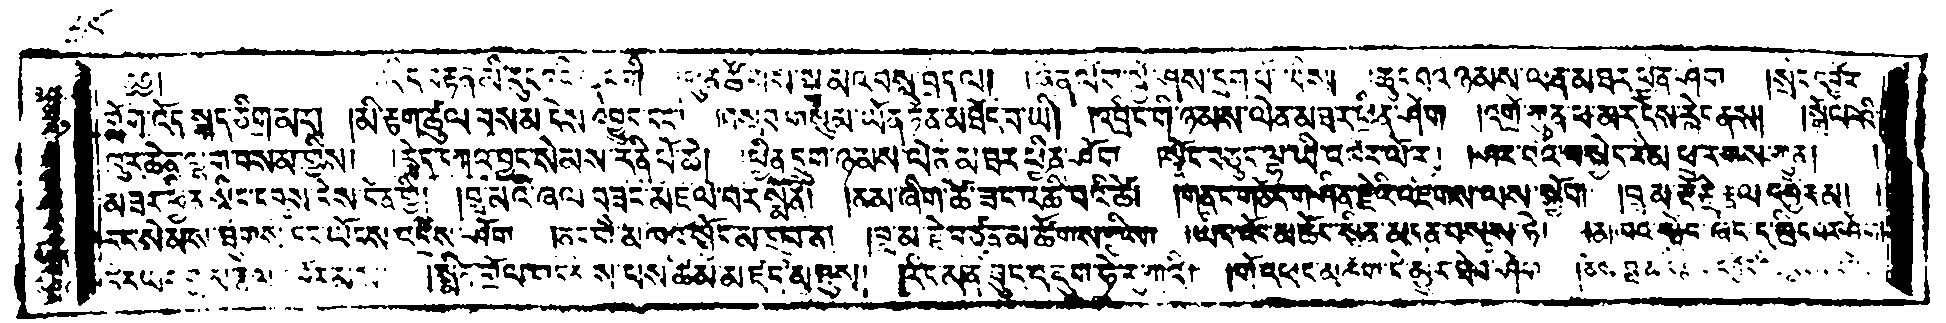༄༅། །ཡིད་བརྟན་མི་རུང་འདི་སྣང་གི །ཕུན་ཚོགས་སྒྱུ་མའི་བསླུ་བྲིད་ལ། །ཞེན་ལོག་སྐྱོ་ཤས་དྲག་པོ་ཡིས། །ཆུང་བའི་ཉམས་ལེན་མཐར་ཕྱིན་ཤོག །སྲིང་འབྱོར་
གློག་འོད་སྐད་ཅིག་མར། །མི་རྟག་ཚུལ་བསམ་ངེས་འབྱུང་དང་། །བསླབ་གསུམ་ཡོན་ཏན་མཐོང་བ་ཡི། །འབྲིང་གི་ཉམས་ལེན་མཐར་ཕྱིན་ཤོག །འགྲོ་ཀུན་ཕ་མར་ངེས་རྙེད་ནས། །སྒྲོལ་བའི་
ཁུར་ཆེན་ལྷག་བསམ་གྱིས། །རྙེད་དཀའ་བྱང་སེམས་རིན་པོ་ཆེ། །ཕྱིན་དྲུག་ཉམས་ལེན་མཐར་ཕྱིན་ཤོག །སྣོད་བཅུང་ལྷ་ཡི་འཁོར་ལོ་རུ། །ཤར་བའི་བསྐྱེད་རིམ་ཕྲ་རགས་ཀུན། །
མཐར་ཕྱིན་སྙིང་དབུས་ངེས་དོན་གྱི། །བླ་མའི་ཞལ་བཟང་མཇལ་བར་སྨོན། །ནམ་ཞིག་ཚེ་ཟད་འཆི་བའི་ཚེ། །གནད་གཅོད་གཤིན་རྗེའི་འཇིགས་ལས་སྐྱོབ། །བླ་མ་རྡོ་རྗེ་རྣལ་འབྱོར་མ། །
རང་སེམས་ཐུགས་དང་ཡོངས་འདྲེས་ཤོག །ནང་གི་མཁའ་སྤྱོད་མ་གྲུབ་ན། །བླ་མ་རྗེ་བཙུན་མ་ཚོགས་ཀྱིས། །ཡིད་འོང་མཆོད་སྤྲིན་མདུན་བསུས་ཏེ། །མཁའ་སྤྱོད་ཞིང་དུ་ཁྲིད་པར་ཤོག །
དེར་ཡང་བླ་མ་རྣལ་འབྱོར་མས། །སྨིན་གྲོལ་གདམས་པས་ཚིམ་མཛད་མཐུས། །རིང་མིན་ཟུང་འཇུག་ཧེ་རུ་ཀའི། །གོ་འཕང་མཆོག་དེ་མྱུར་ཐོབ་ཤོག །ཅེས་བླ་མའི་རྣལ་འབྱོར་བྱིན་རླབས་དངོས་